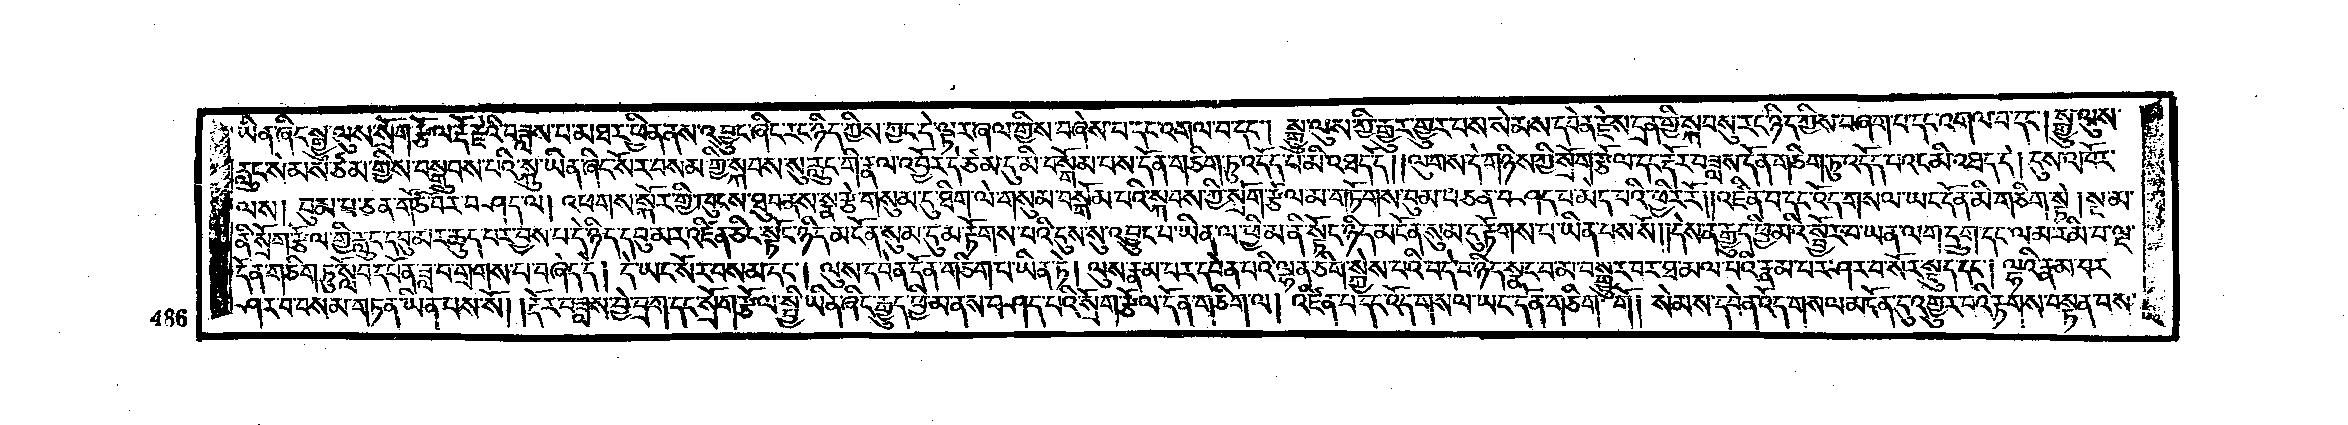ཡིན་ཞིང་སྒྱུ་ལུས་སྲོག་རྩོལ་རྡོ་རྗེའི་བཟླས་པ་མཐར་ཕྱིན་ནས་འབྱུང་ཞིང་རང་ཉིད་ཀྱིས་ཀྱང་དེ་ལྟར་ཞལ་གྱིས་བཞེས་པ་དང་འགལ་བ་དང་། སྒྱུ་ལུས་ཀྱི་རྒྱུར་གྱུར་པས་སེམས་དབེན་རྗེས་དྲན་གྱི་སྐབས་སུ་རང་ཉིད་ཀྱིས་བཞག་པ་དང་འགལ་བ་དང་། སྒྱུ་ལུས་
རླུང་སེམས་ཙམ་གྱིས་བསྒྲུབས་པའི་སྐུ་ཡིན་ཞིང་སོར་བསམ་གྱི་སྐབས་སུ་རླུང་གི་རྣལ་འབྱོར་དེ་ཙམ་དུ་མི་བསྒོམ་པས་དོན་གཅིག་ཏུ་འདོད་པ་མི་འཐད་དོ། །ལུགས་དེ་གཉིས་ཀྱི་སྲོག་རྩོལ་དང་རྡོར་བཟླས་དོན་གཅིག་ཏུ་འདོད་པའང་མི་འཐད་དེ། དུས་འཁོར་
ལས། བུམ་པ་ཅན་གཙོ་བོར་བཤད་ལ། འཕགས་སྐོར་གྱི་ཁུངས་ཐུབ་ནས་སྣ་རྩེ་གསུམ་དུ་ཐིག་ལེ་གསུམ་བསྒོམ་པའི་སྐབས་ཀྱི་སྲོག་རྩོལ་མ་གཏོགས་བུམ་པ་ཅན་བཤད་པ་མེད་པའི་ཕྱིར་རོ། །འཛིན་པ་དང་འོད་གསལ་ཡང་དོན་མི་གཅིག་སྟེ། སྔ་མ་
ནི་སྲོག་རྩོལ་གྱི་རླུང་དབུ་མར་ཆུད་པར་བྱས་པ་དེ་ཉིད་དབུ་མར་འཛིན་ཅིང་སྟོང་ཉིད་མངོན་སུམ་དུ་མ་རྟོགས་པའི་དུས་སུ་འབྱུང་པ་ཡིན་ལ་ཕྱི་མ་ནི་སྟོང་ཉིད་མངོན་སུམ་དུ་རྟོགས་པ་ཡིན་པས་སོ། །དེས་ན་རྒྱུད་ཕྱི་མའི་སྦྱོར་བ་ཡན་ལག་དྲུག་དང་ལམ་རིམ་པ་ལྔ་
དོན་གཅིག་ཏུ་སློབ་དཔོན་ཟླ་བ་གྲགས་པ་བཞེད་དེ། དེ་ཡང་སོར་བསམ་དང་། ལུས་དབེན་དོན་གཅིག་པ་ཡིན་ཏེ། ལུས་རྣམ་པར་དབེན་པའི་ལྷན་ཅིག་སྐྱེས་པའི་བདེ་བ་ཉིད་སྣང་བ་མ་བསྒྱུར་བར་ཐ་མལ་པའི་རྣམ་པར་ཤར་བ་སོར་སྡུད་དང་། ལྷའི་རྣམ་བར་
ཤར་བ་བསམ་གཏན་ཡིན་པས་སོ། །རྡོར་བཟླས་བྱེ་བྲག་དང་སྲོག་རྩོལ་སྤྱི་ཡིན་ཞིང་རྒྱུད་ཕྱི་མ་ནས་བཤད་པའི་སྲོག་རྩོལ་དོན་གཅིག་ལ། འཛིན་པ་དང་འོད་གསལ་ཡང་དོན་གཅིག་གོ། སེམས་དབེན་འོད་གསལ་མངོན་དུ་འགྱུར་བའི་རྟགས་བསྟན་པས་